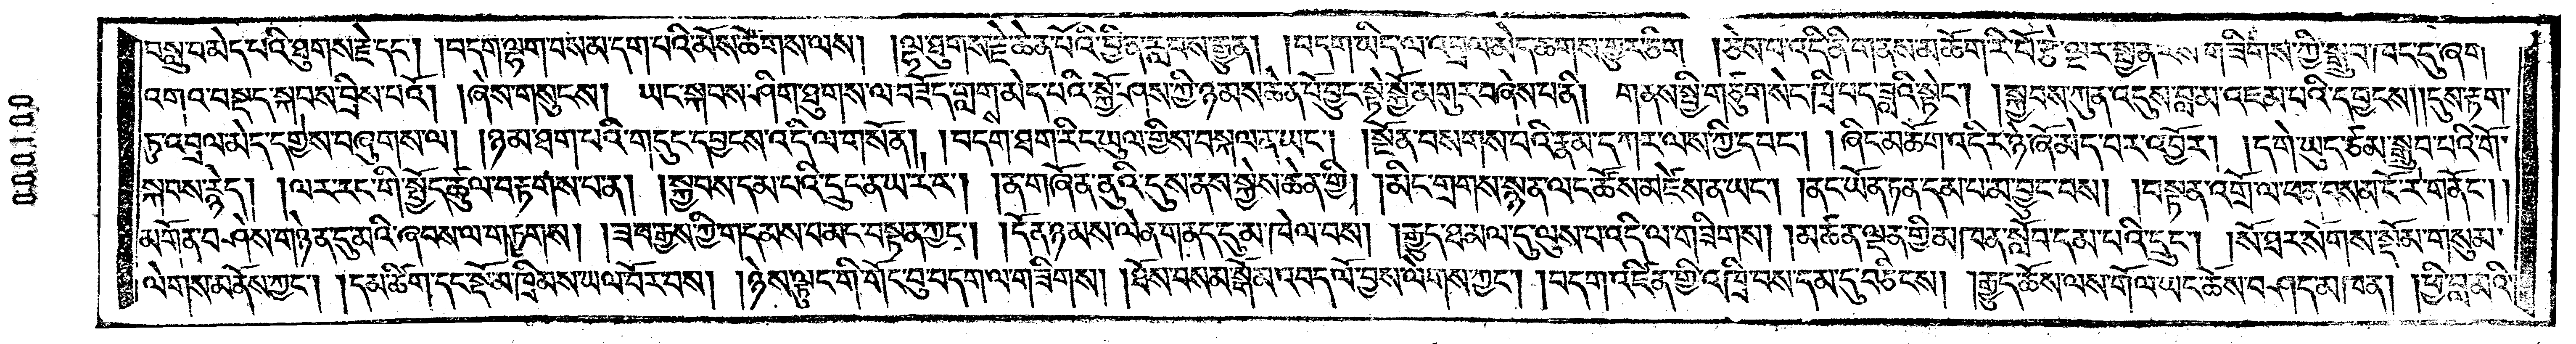བསླུ་བ་མེད་པའི་ཐུགས་རྗེ་དང་། །བདག་ལྷག་བསམ་དག་པའི་མོས་ཚོགས་ལས། །ལྷ་ཐུགས་རྗེ་ཆེན་པོའི་བྱིན་རླབས་རྒྱུན། །བདག་ཡིད་ལ་འབྲལ་མེད་ཆགས་གྱུར་ཅིག །ཅེས་པ་འདི་ནི་གནས་མཆོག་རི་བོ་རྩེ་ལྔར་སྤྱན་རས་གཟིགས་ཀྱི་སྒྲུབ་ཁང་དུ་ཞག་
འགའ་བསྡད་སྐབས་བྲིས་པའོ། །ཞེས་གསུངས། ཡང་སྐབས་ཤིག་ཐུགས་ལ་བཟོད་གླགས་མེད་པའི་སྐྱོ་ཤས་ཀྱི་ཉམས་ཆེན་པོ་བྱུང་སྟེ་སྐྱོ་མགུར་བཞེས་པ་ནི། གནས་སྤྱི་གཙུགས་སེང་ཁྲི་པད་ཟླའི་སྟེང་། །སྐྱབས་ཀུན་འདུས་བླ་མ་འཇམ་པའི་དབྱངས། །དུས་རྟག་
ཏུ་འབྲལ་མེད་དགྱེས་བཞུགས་ལ། །ཉམ་ཐག་པའི་གདུང་དབྱངས་འདི་ལ་གསོན། །བདག་ཐག་རིང་ཡུལ་གྱི་བསྐལ་ན་ཡང་། །སྔོན་བསགས་པའི་རྣམ་དཀར་ལས་ཀྱི་དབང་། །ཞིང་མཆོག་འདིར་ཉེ་ཞོ་མེད་བར་འབྱོར། །དགེ་ཡུད་ཙམ་སྒྲུབ་པའི་གོ་
སྐབས་རྙེད། །ལར་རང་གི་སྤྱོད་ཚུལ་བརྟགས་པ་ན། །སྐྱབས་དམ་པའི་དྲུང་ན་ཡ་རང་། །ན་གཞོན་ནུའི་དུས་ནས་སྐྱེས་ཆེན་གྱི། །མིང་གྲགས་སྙན་ལང་ཚོས་མཛེས་ན་ཡང་། །ནང་ཡོན་ཏན་དམ་པ་མ་བྱུང་བས། །བསྟན་འགྲོ་ལ་ཕན་བསམ་ངོ་རེ་གནོང་། །
མགོན་བཤེས་གཉེན་དུ་མའི་ཞབས་ལ་གཏུགས། །ཟབ་རྒྱས་ཀྱི་གདམས་པ་མང་བསྟན་ཀྱང་། །དོན་ཉམས་ལེན་གནད་དུ་མ་ཁེལ་བས། །རྒྱུད་ཐ་མལ་དུ་ལུས་པ་འདི་ལ་གཟིགས། །མཚན་ལྡན་གྱི་མཁན་སློབ་དམ་པའི་དྲུང་། །སོ་ཐར་སོགས་སྡོམ་གསུམ་
ལེགས་མནོས་ཀྱང་། །དམ་ཚིག་དང་སྡོམ་ཁྲིམས་ཡལ་བོར་བས། །ཉེས་ལྟུང་གི་གོང་བུ་བདག་ལ་གཟིགས། །ཐོས་བསམ་སྒོམ་འབད་ལོ་བྱས་ལེགས་ཀྱང་། །བདག་འཛིན་གྱི་འཁྲི་བས་དམ་དུ་བཅིངས། །རྒྱུད་ཆོས་ལས་གོལ་ཡང་ཆོས་བཤད་མཁན། །ཕྱི་བླ་མའི་